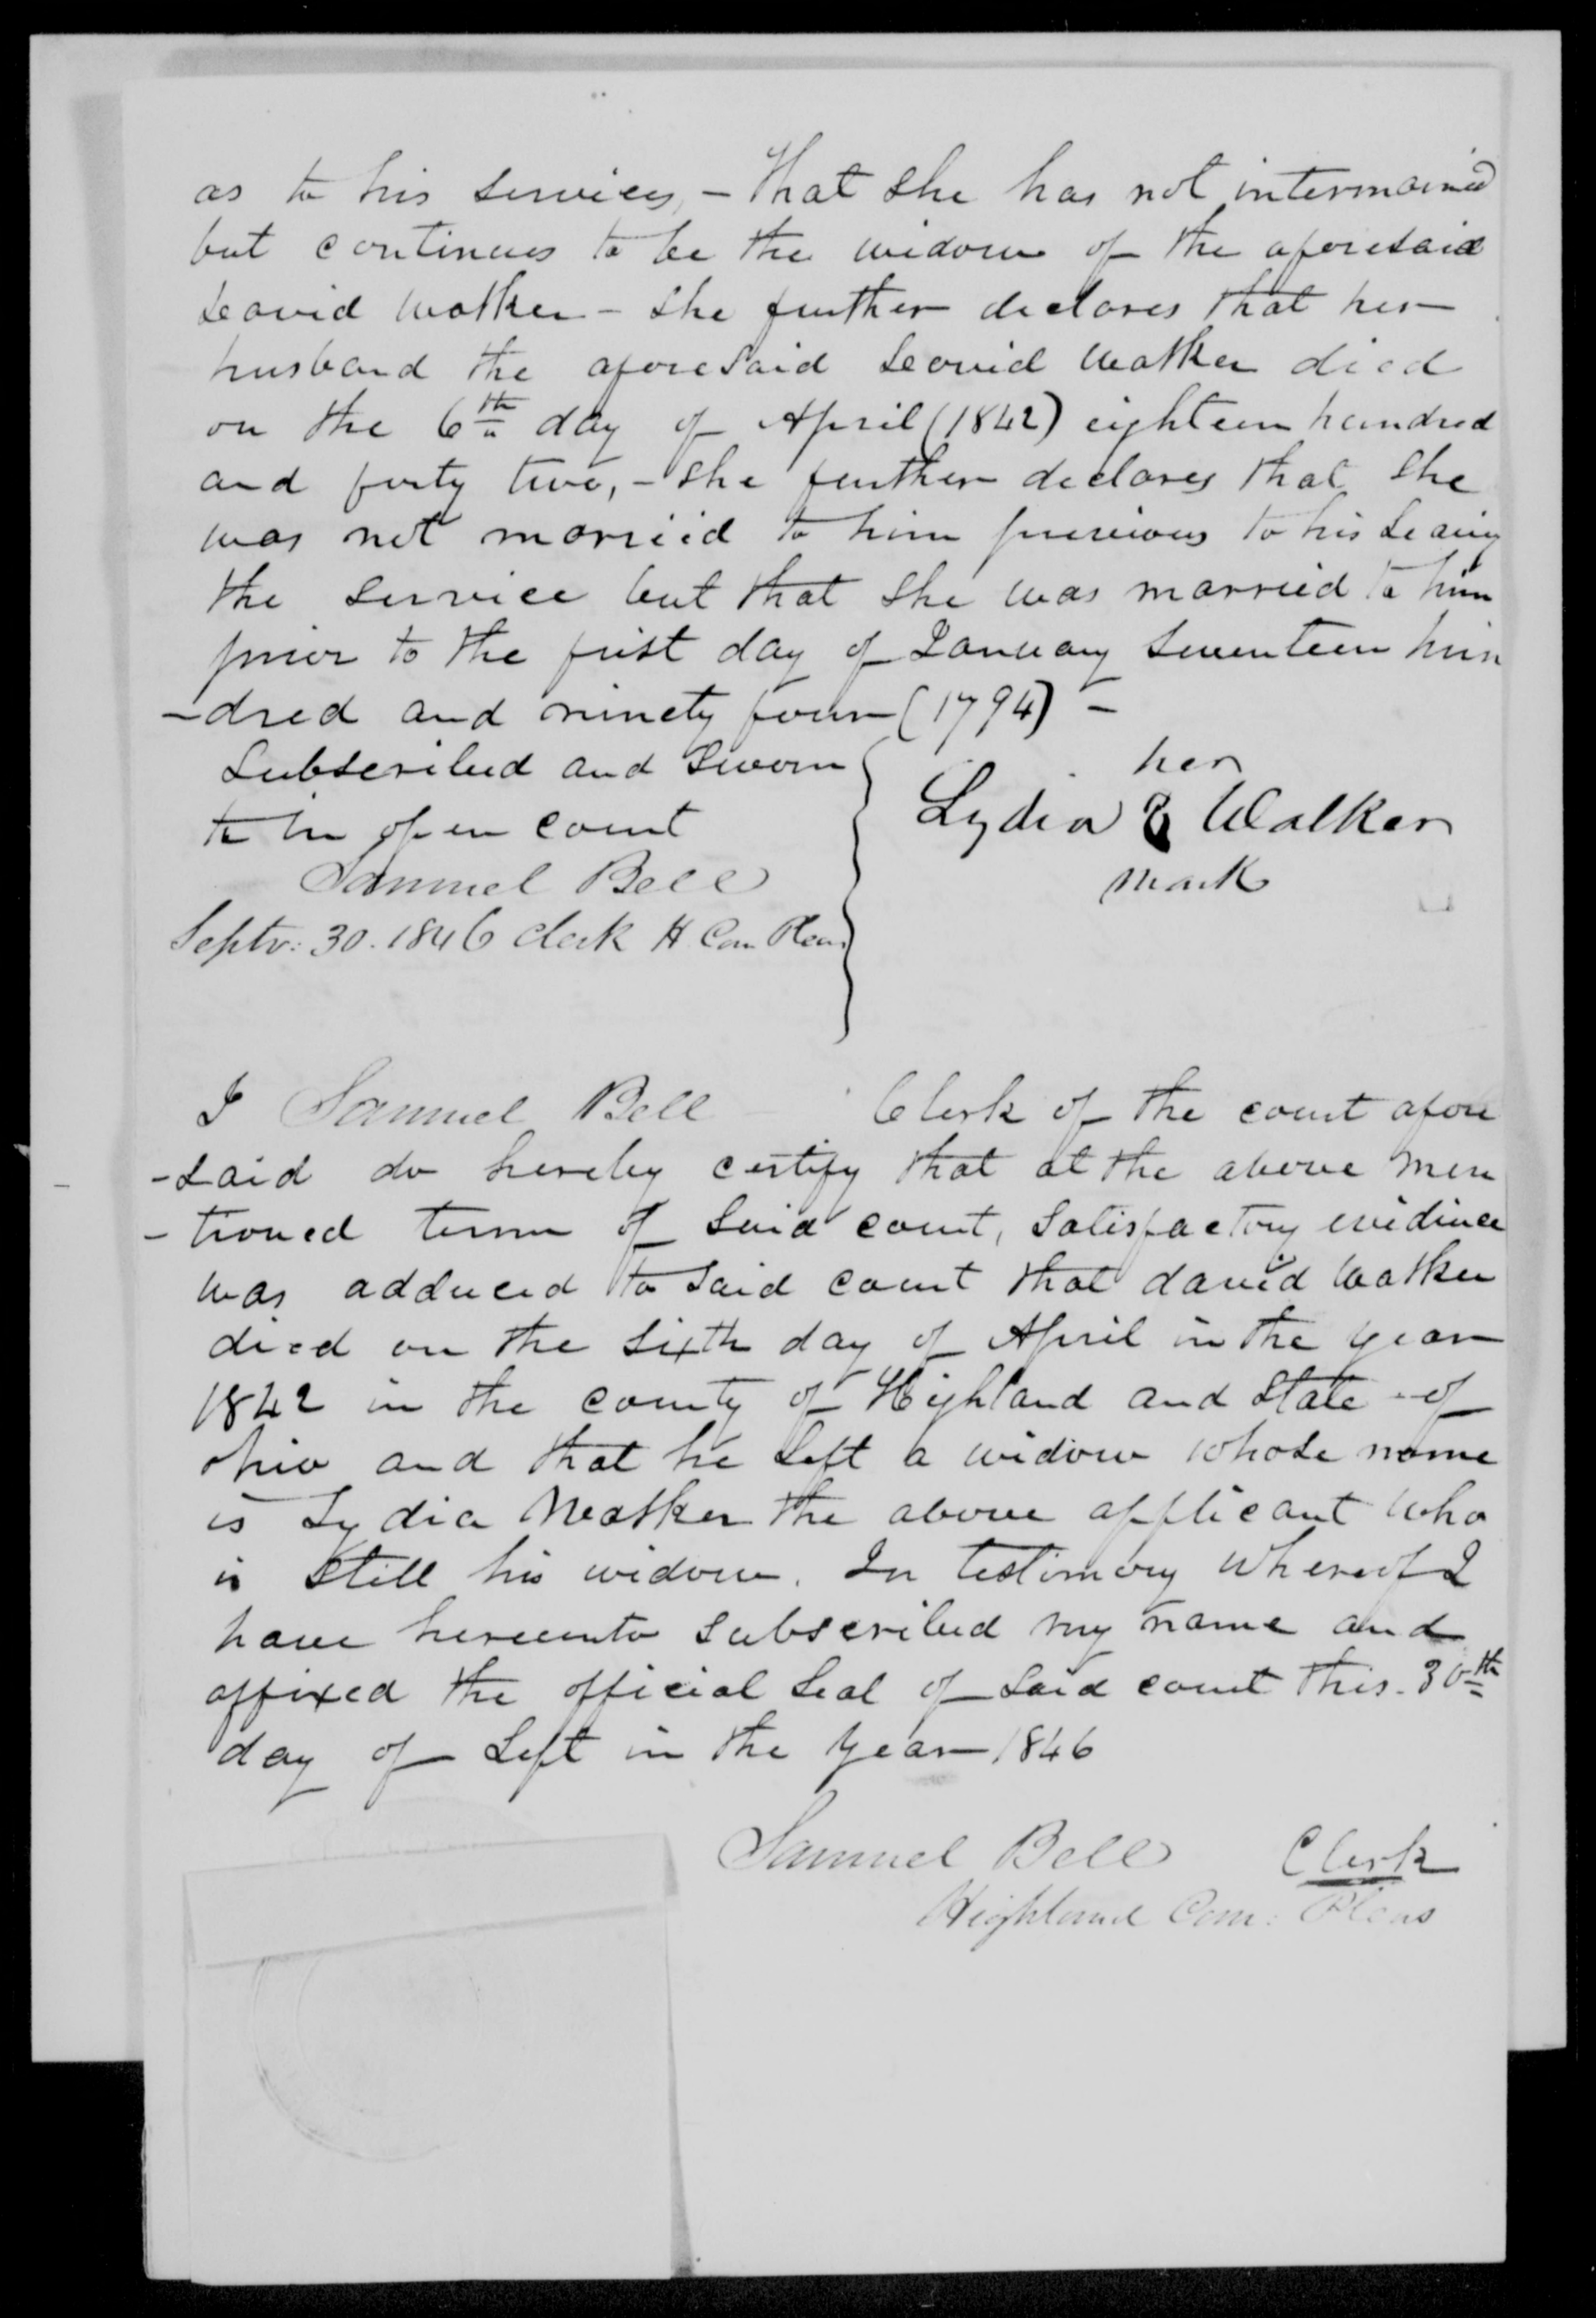As to his services. That she has not intermarried but continues to be the widow of the aforesaid David Walker. She further declares that her husband the aforesaid David Walker died on the 6th day of April (1842) eighteen hundred and forty two, she further declares that she was not married to him previous to his leaving the service but that she was married to him prior to the first day of January Seventeen hundred and ninety four (1794).
Lydia E Walker
Subscribed and sworn to in open court Sept. 30. 1846.
Samuel Bell, Clerk 
Court of Common Pleas

I, Samuel Bell, Clerk of the Court aforesaid do hereby certify that at the above mentioned term of said court, satisfactory evidence was adduced to said court that David Walker died on the Sixth day of April in the year 1842 in the County of Highland and State of his and that he left a widow whose name is Lydia Walker the above applicant who is still his widow. 
In testimony whereof I have hereunto subscribed my name and affixed the official Seal of said Court this 30th day of Left in the year 1846.
Samuel Bell, Clerk
Highland Court of Common Pleas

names: Lydia Walker, David Walker, Samuel Bell, Lydia Walker, Samuel Bell, David Walker, David Walker, Samuel Bell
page: 7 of 37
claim: rejected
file: R. 11047, David Walker, N.C.